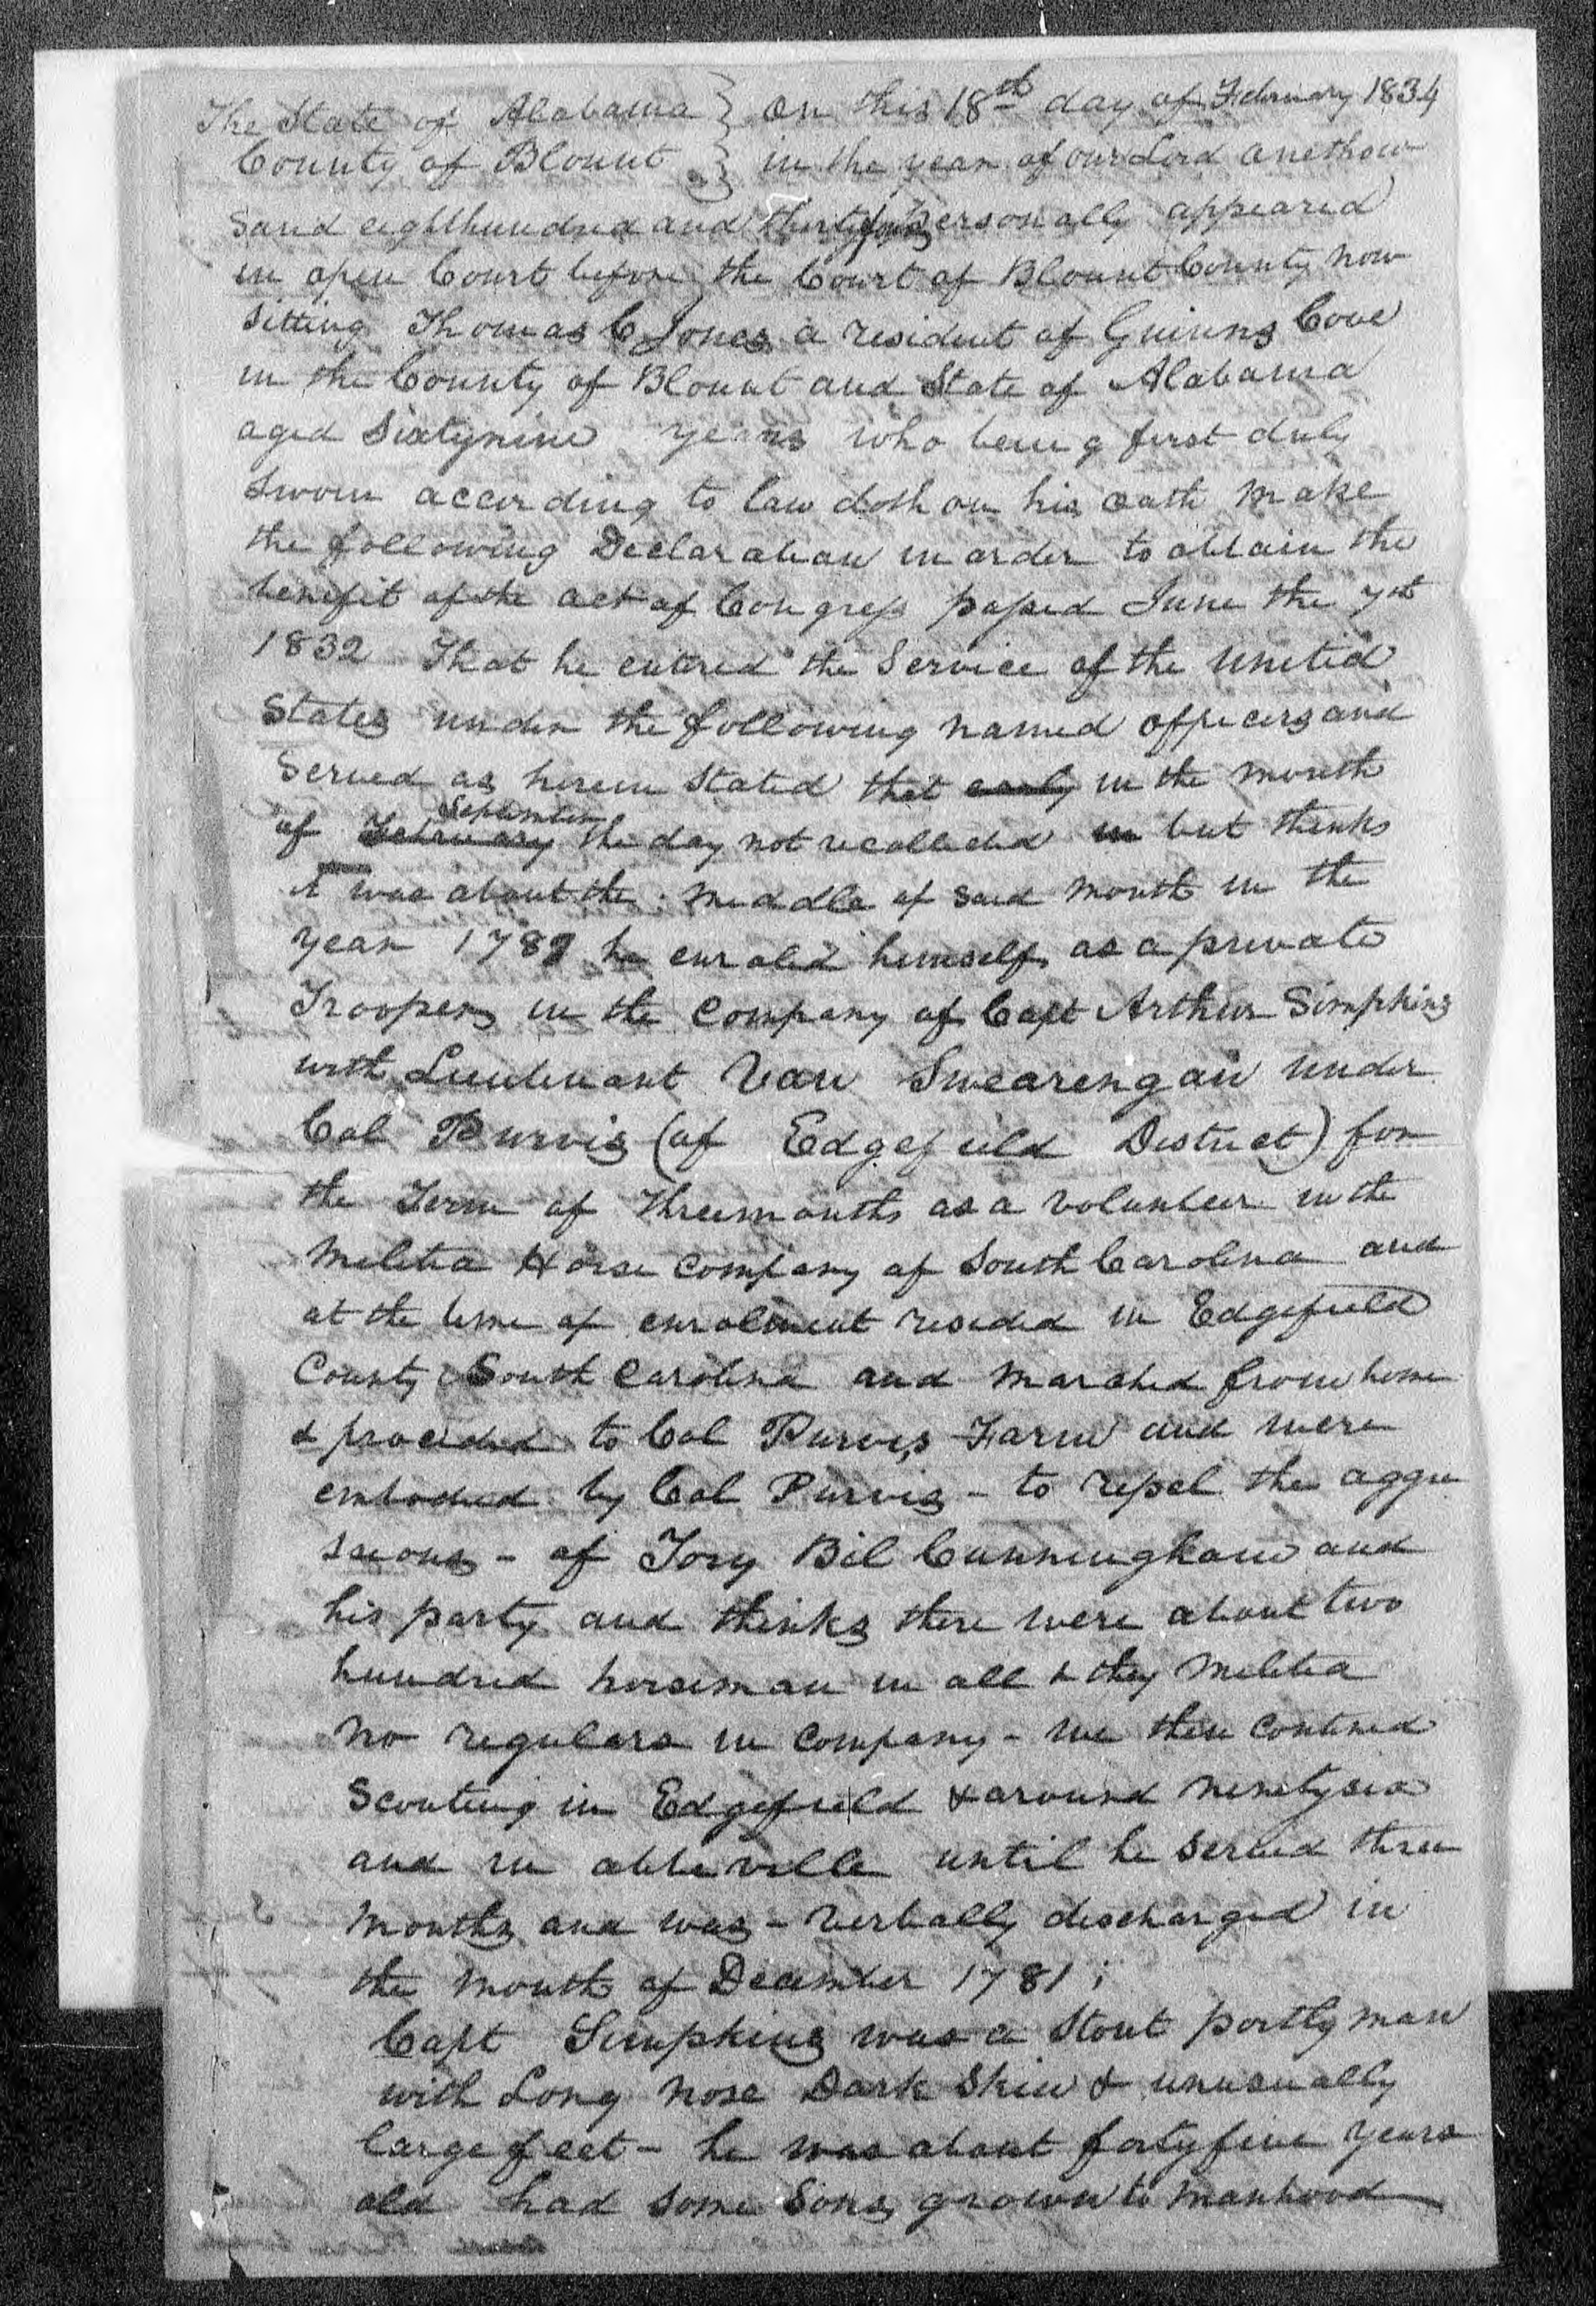The State of Alabama
County of Blount

on this 18th day of February 1834
in the year of our Lord one thousand
eight hundred and thirty four personally appeared
in open Court before the Court of Blount County now 
sitting Thomas C Jones a resident of Guinns Cove
in the County of Blount and State of Alabama
aged sixtynine years who being first duly
sworn according to law doth on his oath make 
the following Declaration in order to obtain the
benefit of the Act of Congress passed June the 7th
1832 That he entered the Service of the United
States under the following named officers and 
served as herein stated that early [struck out] in the month 
of February [struck out] September the day not recalled but thinks
it was about the middle of said month in the
year 1787 he enrolled himself as a private 
Trooper in the company of Captain Arthur Simpkins
with Lieutenant Van Swearingan under
Col Purvis (of Edgefield District) for 
the term of three months as a volunteer with
militia Horse company at South Carolina and
at the time of enrolment resided in Edgefield 
County South Carolina and marched from home
&  proceeded to Col Purvis Farm and there
enlisted by Col Purvis to repel aggressions 
of Tory Bil Cunningham and
his party and thinks there were about two
hundred horsemen in all & [?] militia
no regulars in company.  He there continued
scouting in Edgefield & around ninety [?]
and in abbeville until he served three
months and was verbally discharged in 
the month of December 1781;
Capt Simpkins was a stout portly man
with long nose dark skin & unusually
large feet - he was about forty five years
old had some sons grown to manhood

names: Arthur Simpkins; Thomas C Jones; [BLANK] Van Swearengan; [BLANK] Purvis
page: 7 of 45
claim: widow's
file: W. 26160, for Thomas C Jones, Georgia